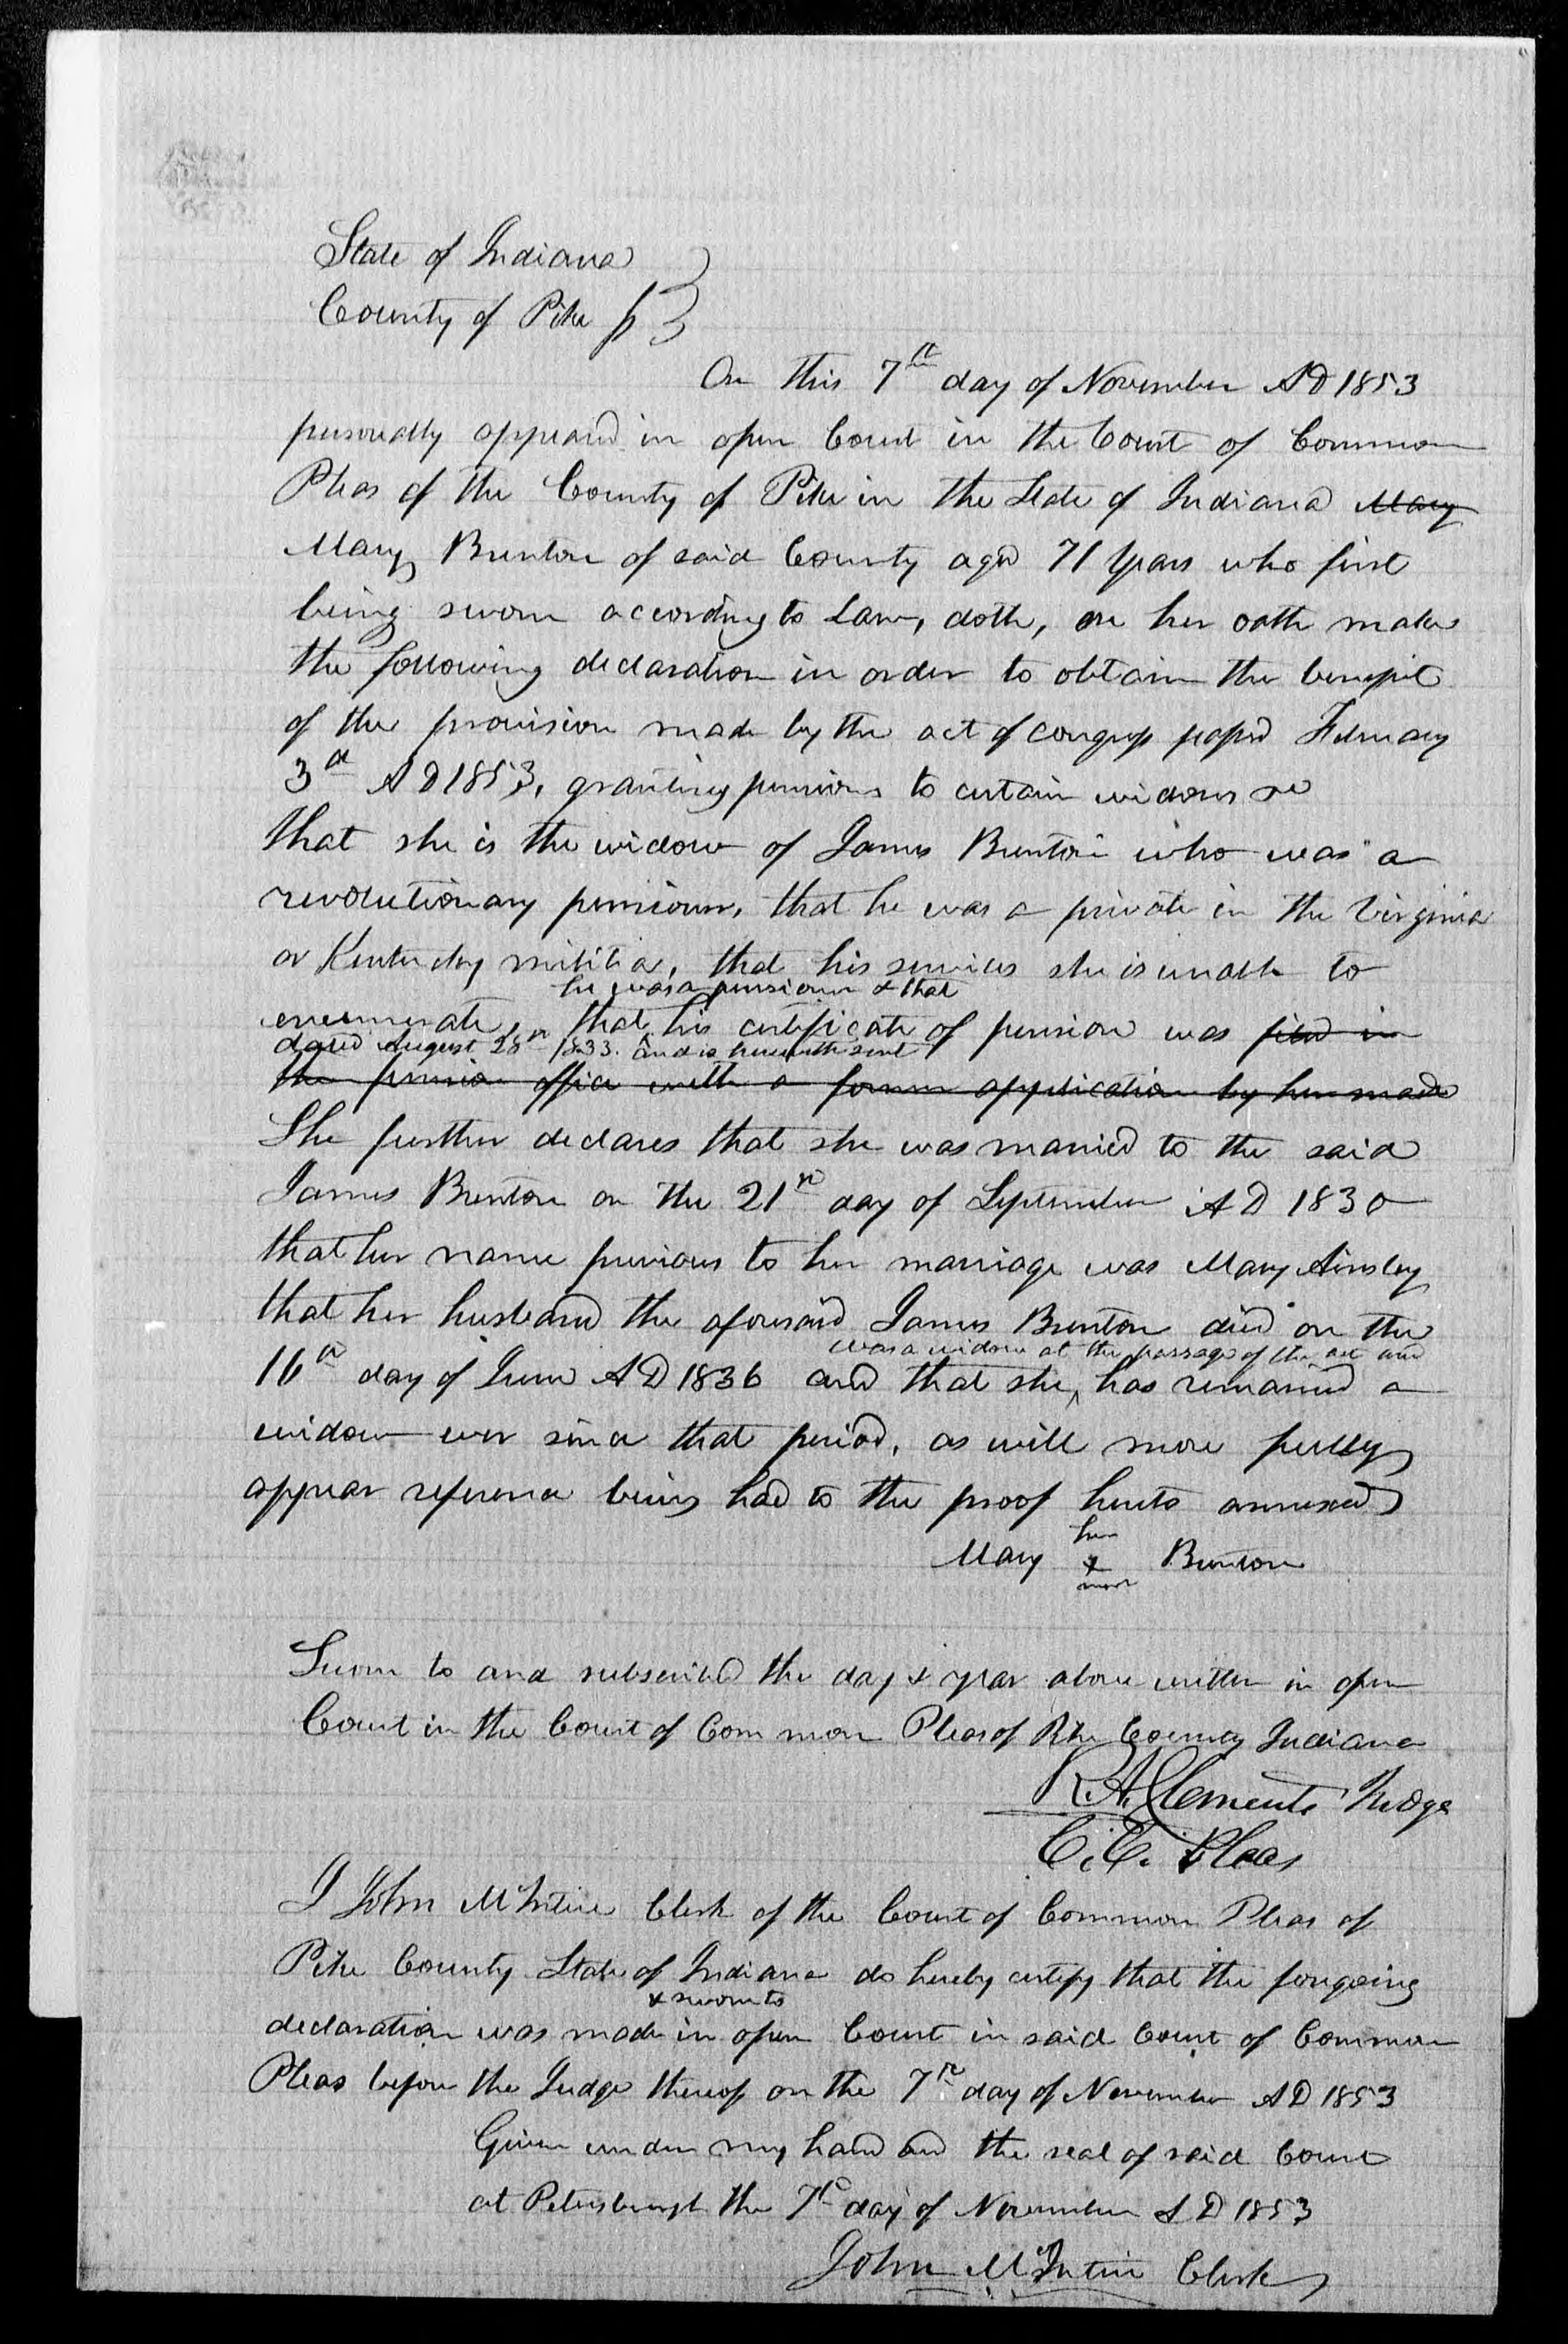State of Indiana}
County of Pike}
On this 7th day of November AD 1853 personally appeared in open Court in the Court of Common Pleas of the County of Pike in the State of Indiana Mary Brenton of said County age 71 years who first being sworn according to law, doth, on her oath make the following declaration in order to obtain the benefit of the provision made by the act of Congress passed February 3rd AD 1853, granting pensions to certain widows. That she is the widow of James Brenton who was a revolutionary pensioner, that he was a private in the Virginia or Kentucky militia, that his services she is unable to enumerate [inserted text: he was a pensioner] & that his certificate of pension was dated August 28 1833 and is herewith sent. She further declares that she was married to the said James Brenton on the 21st day of September AD 11830, that her name previous to her marriage was Mary Ainsley, that her husband the aforesaid James Brenton died on the 16th day of June AD 1836 and that she [inserted text: was a widow at the passage of the act and] has remained a widow every since that period, as will more fully appear reference being had to the proof hereto announced. Mary [her mark] Brenton

Sworn to and subscribed the day & year above written in open Court in the Court of Common Pleas of Pike County Indiana.
R A Clements Judge C. C. Pleas

I John McIntire Clerk of the Court of Common Pleas of Pike County State of Indiana do hereby certify that the foregoing declaration was made & sworn to in open court in said Court of Common Pleas before the Judge thereof on the 7th day of November AD 1853
Given under my hand and the seal of said Court of Petersburgh the 7th day of November AD 1853 John McIntire Clerk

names: James Brenton, R A Clements, Mary Brenton, James Brenton, John Mc Intire, Mary Brenton, James Brenton, C C Pleas, John Mc Intire, Mary Ainsley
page: 40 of 49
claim: widow's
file: W. 2518, James Brenton, Va.